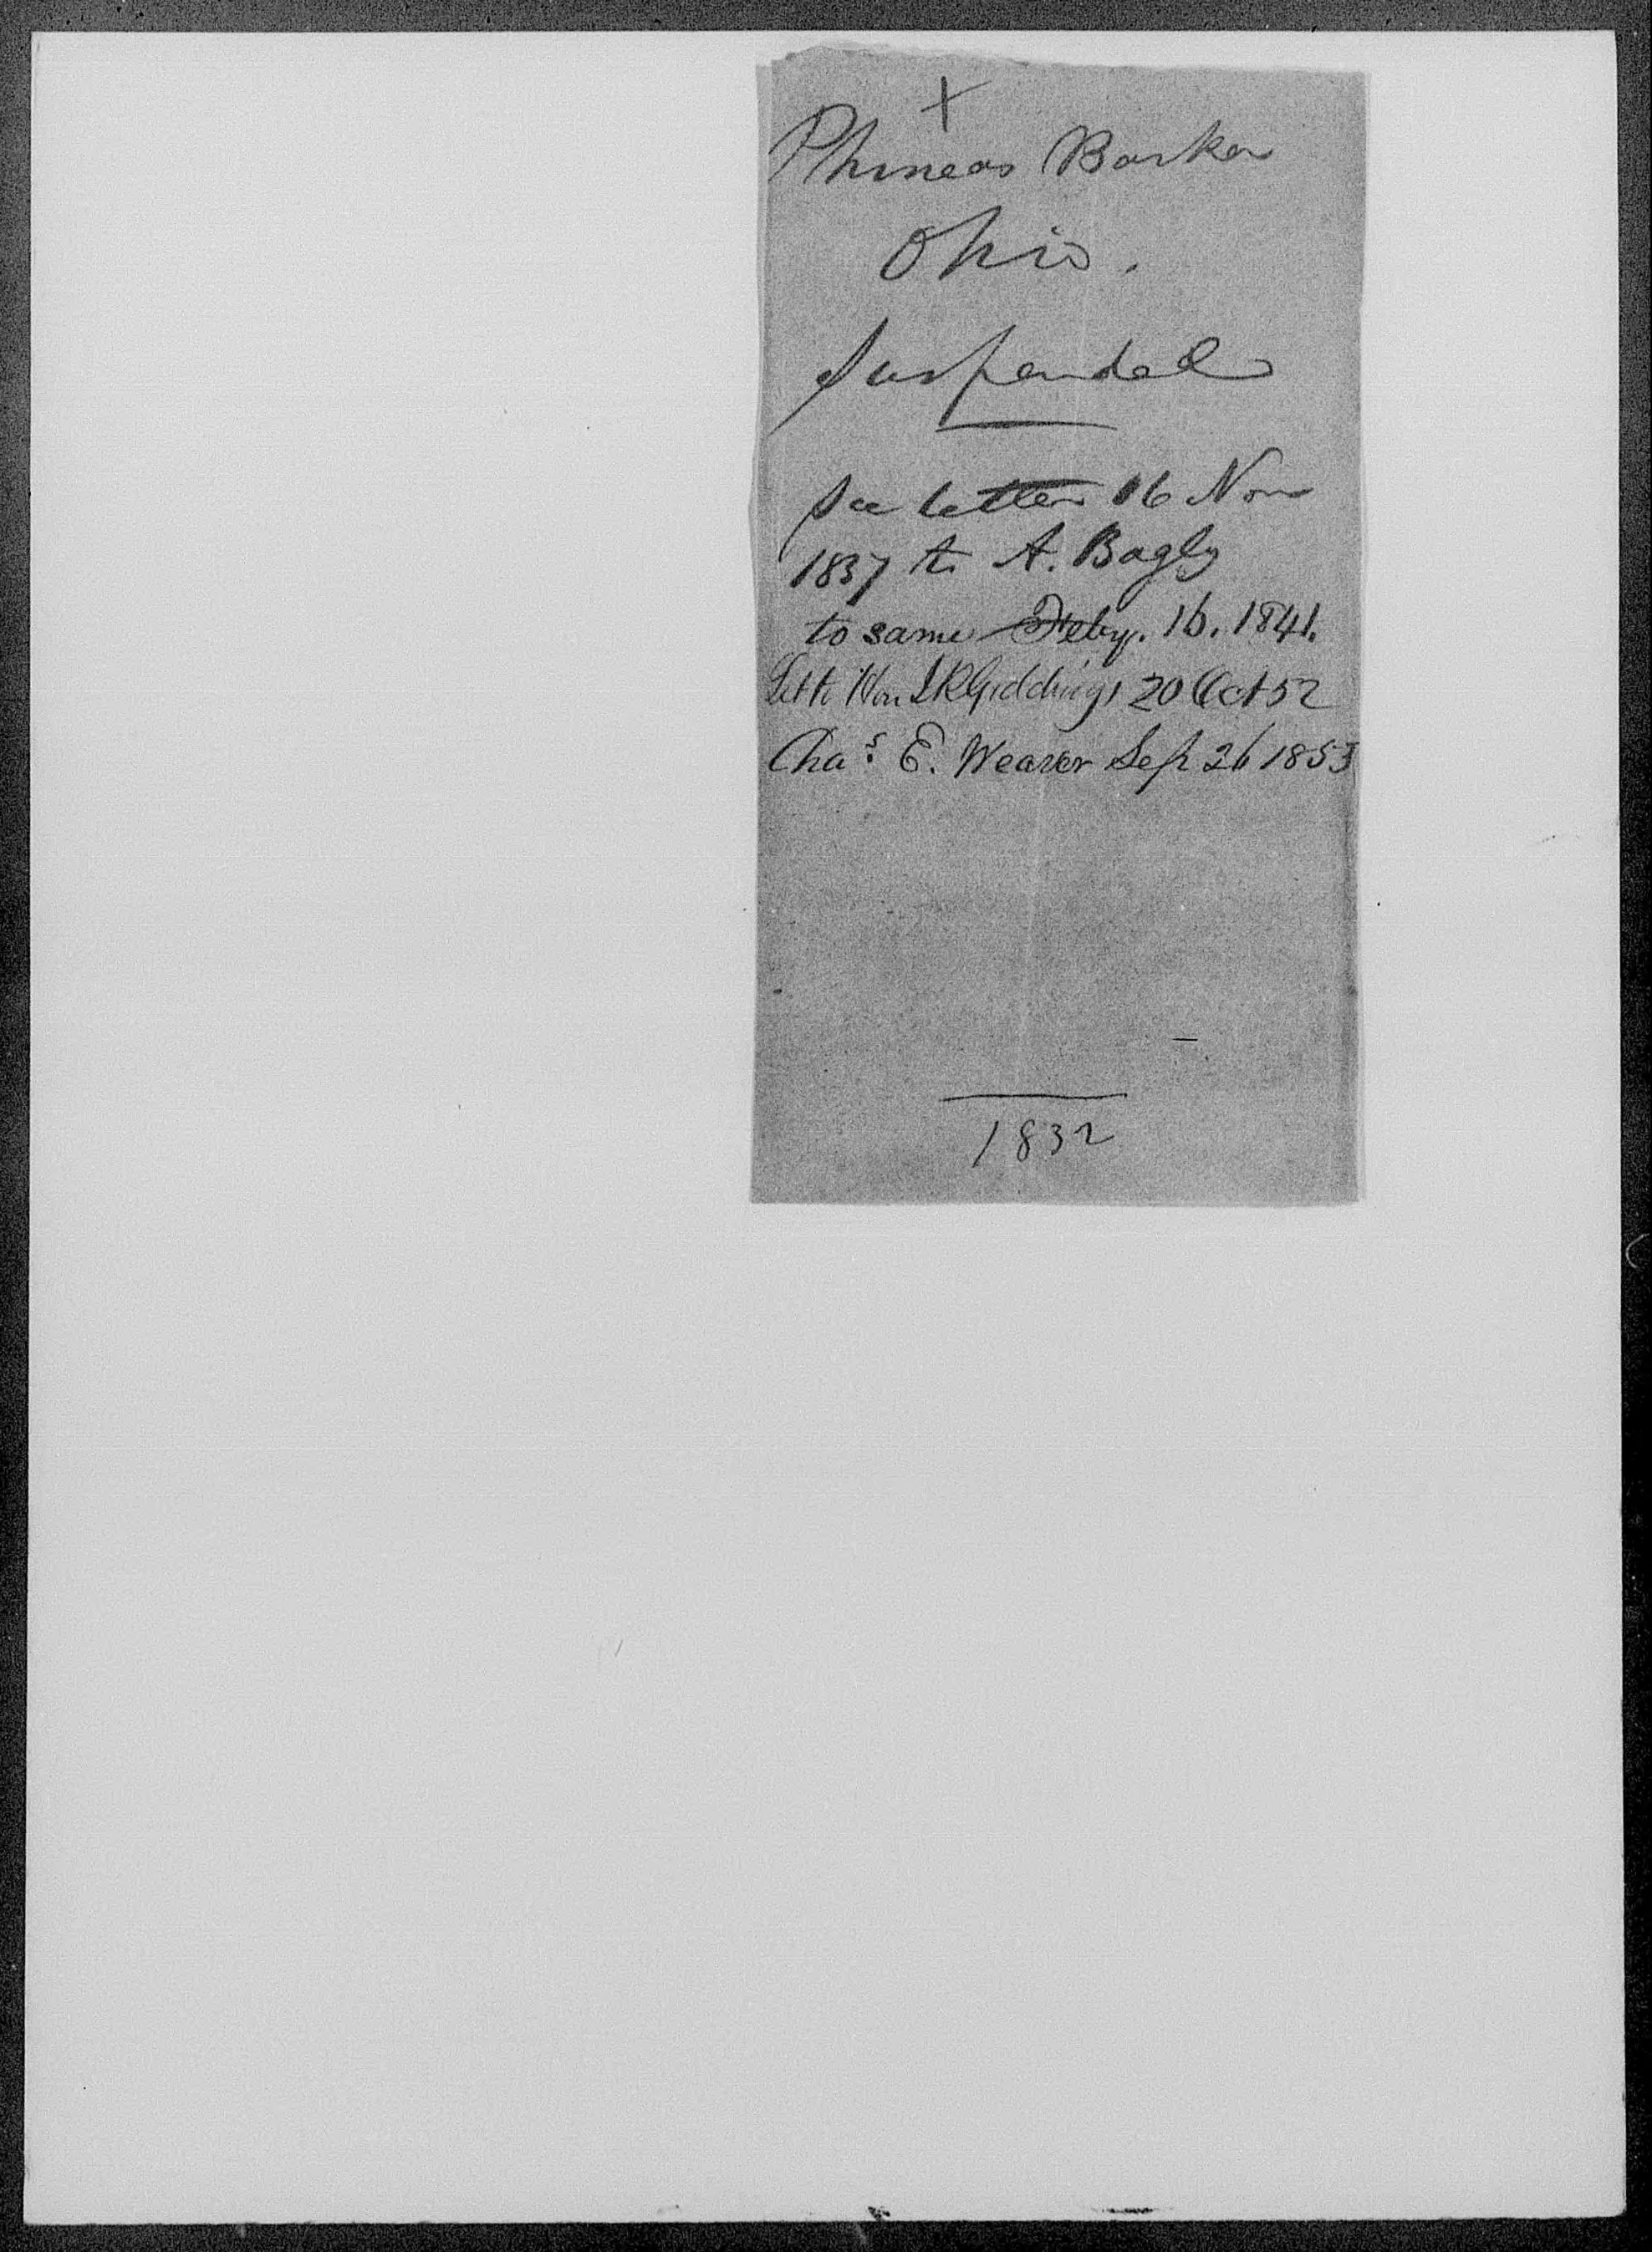Phineas Barker 
Ohio 
Suspended 
See letter 16 Nov 1837 to A. Bagly 
To same Feby 16, 1841. 
Let to Hon J. R. Giddings 20 Oct 52
Chas E Weaver Sep 26 1853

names: J R Giddings, A Bagly, Chas E Weaver, Phineas Barker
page: 14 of 35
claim: rejected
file: R. 501, Phineas Barker, Conn. Privateer